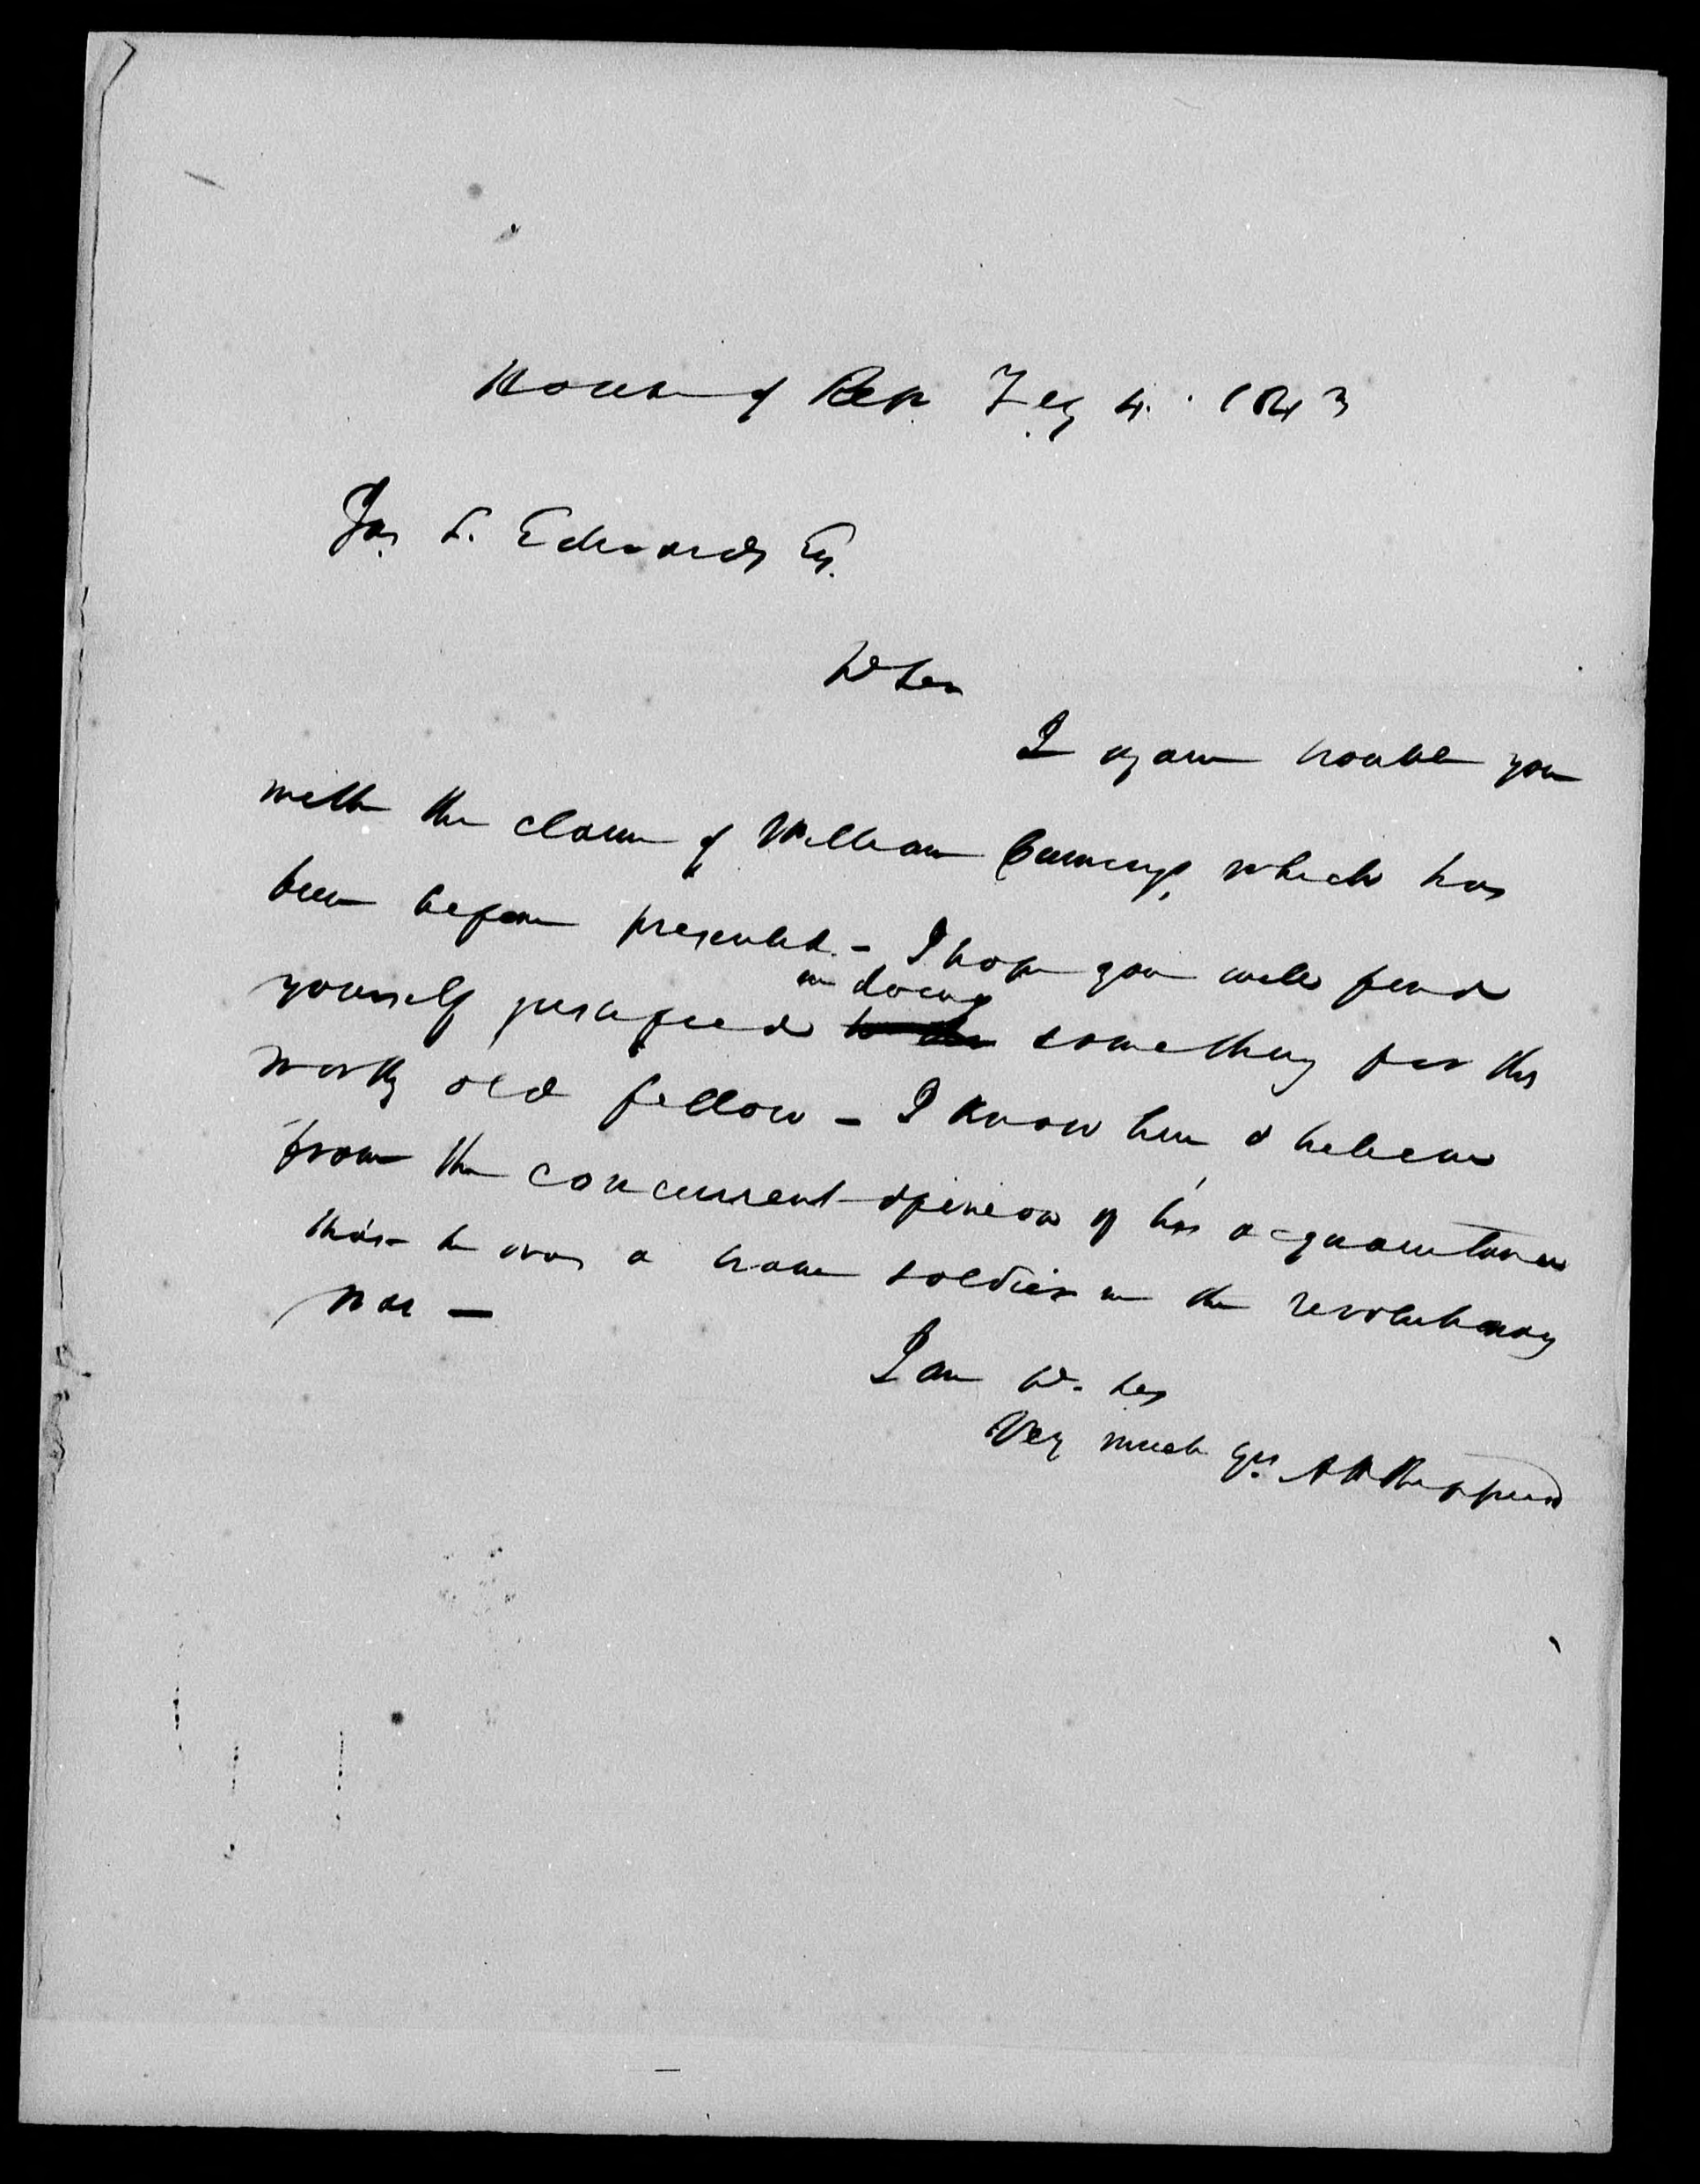[Handwritten letter]

House of Rep Feb 4. 1843

Jas L. Edwards Esq.

D Ser [Dear Sir]

I again trouble you with the claim of William Cumings, which has been before presented. _  I hope you will find yourself justified in doing [here the words "to the" were stricken through] something for this worthy old fellow _  I know him and believe from the concurrent opinion of his acquaintances that he was a brave Soldier in the revolutionary War __

I am [?bt_ Ser, perhaps meaning Obediant Servant]
Very much yrs [yours].
A [?]H Shepperd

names: William Cumings, A H Shepperd, Jas L Edwards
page: 25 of 145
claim: survivor's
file: S. 8265, William Cumming, N.C.